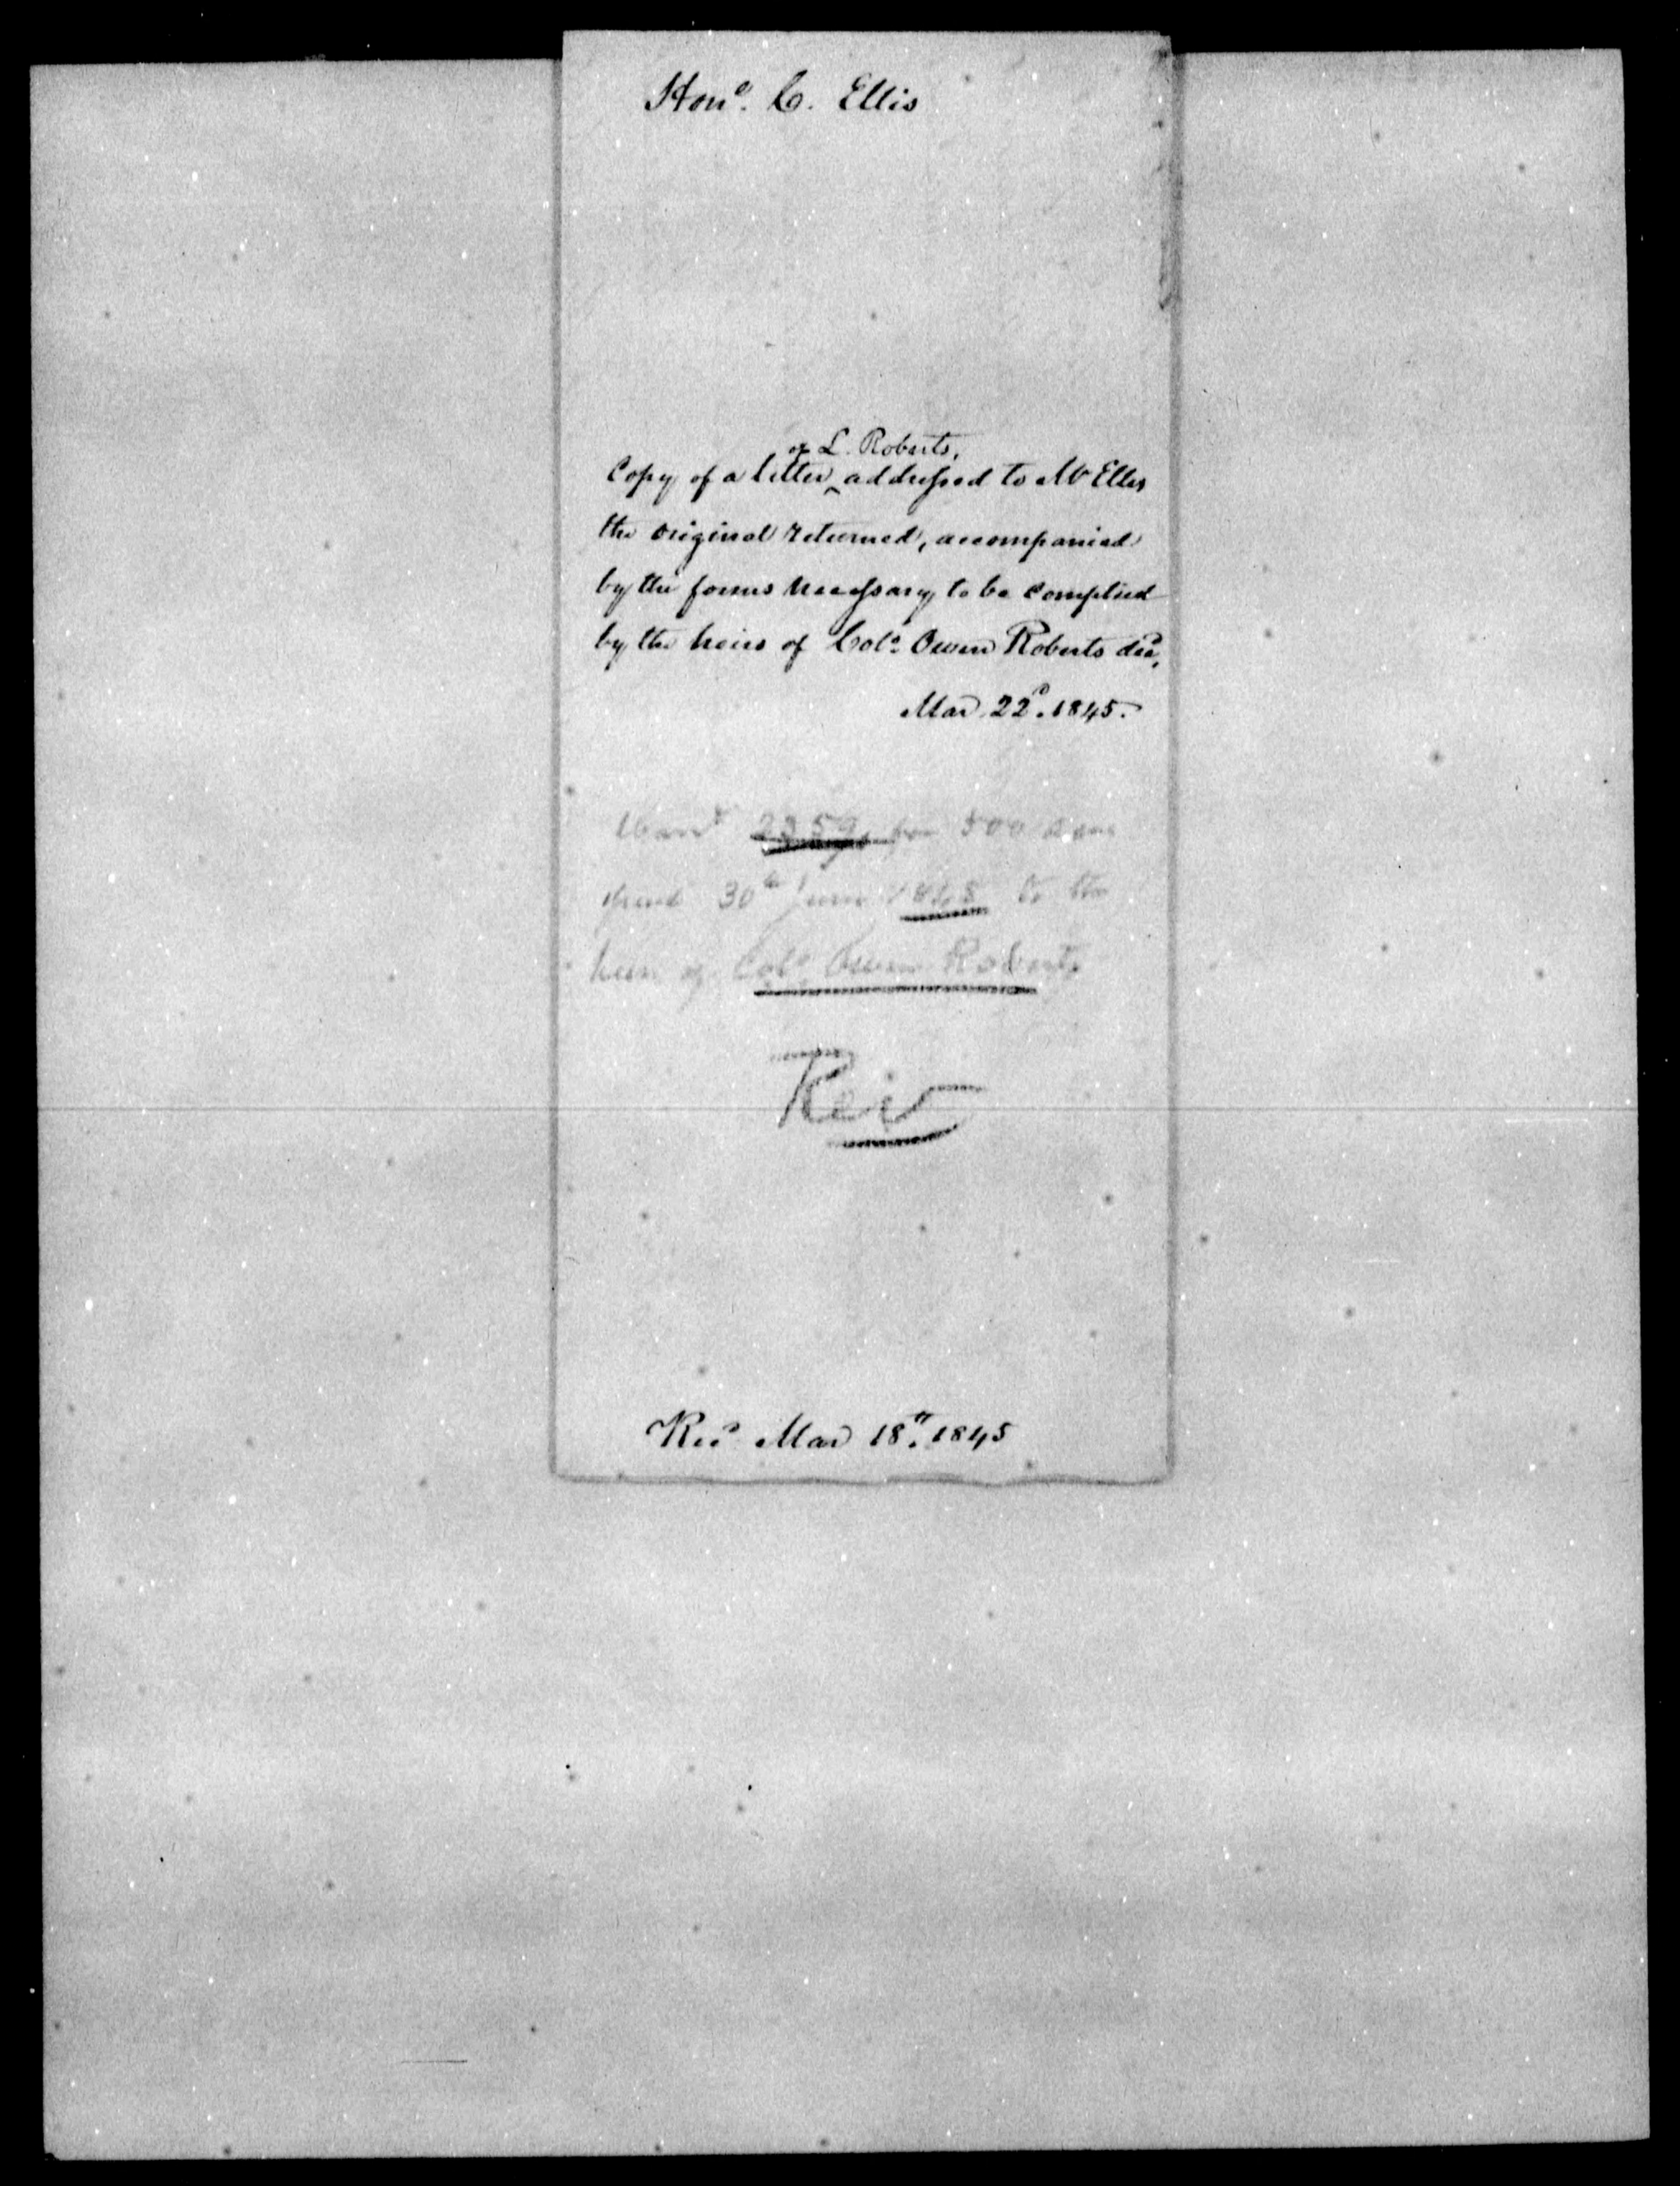Honl. C. Ellis


copy of a letter of L. Roberts, addressed to Mr. Ellis
the original returned, accompanied
by the forms necessary to be complied
by the heirs of Col. Owen Roberts, decd.

Mar. 22d 1845.



Warrt. 2359 for 500 acres
grant [?] 30th June 1845 to the 
heirs of Col. Owen Roberts


Rev



Recd. Mar 18th 1845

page: 10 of 59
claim: bounty land warrant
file: B.L.Wt. 2359-500, for Owen Roberts, South Carolina